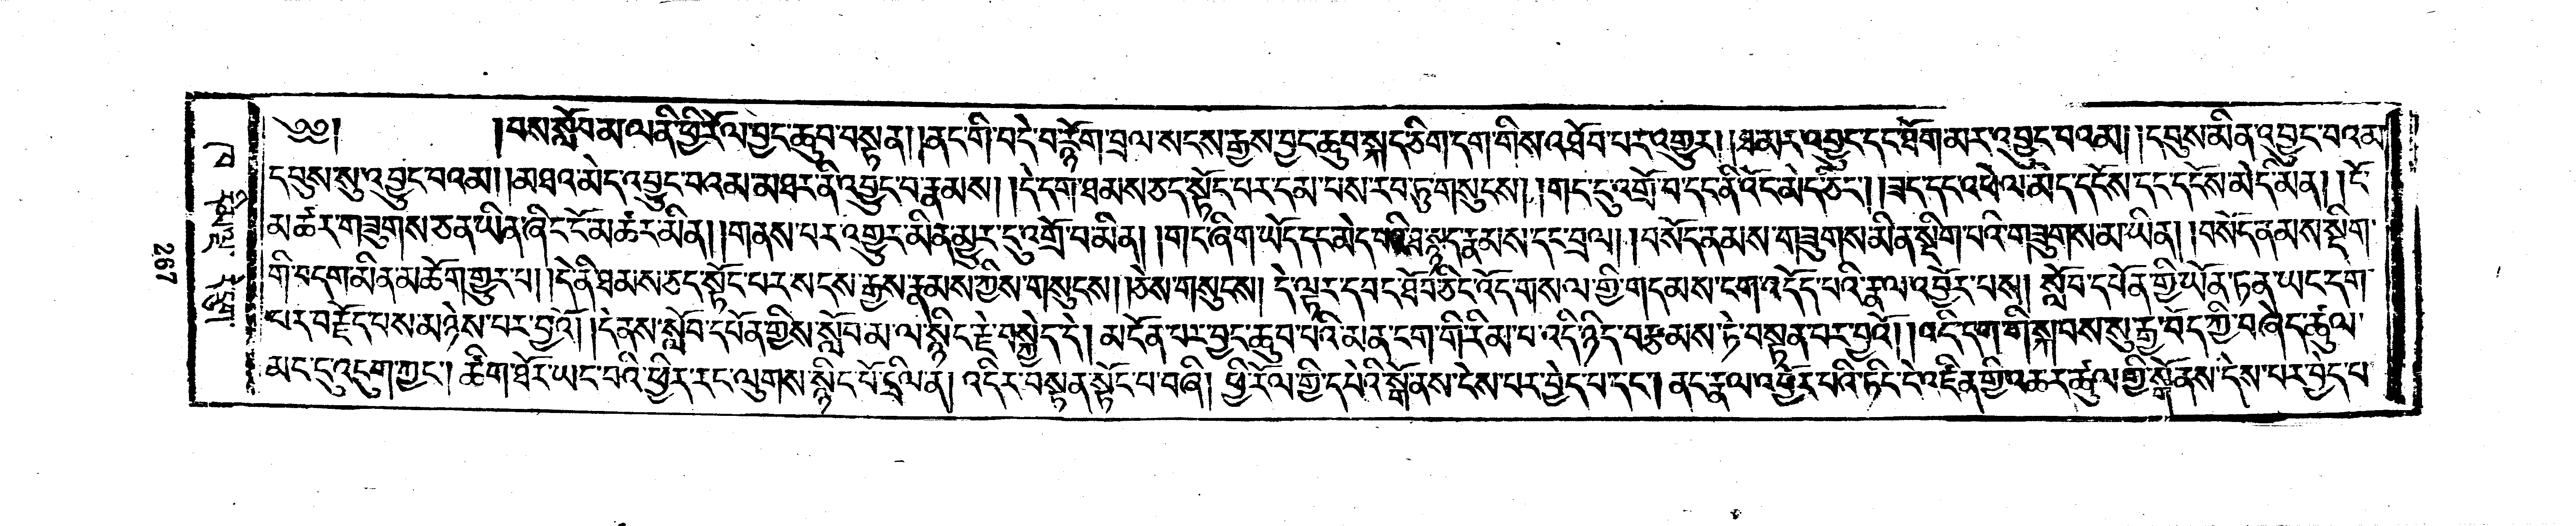༄༅། །པས་སློབ་མ་ལ་ནི་ཕྱི་རོལ་བྱང་ཆུབ་བསྟན། །ནང་གི་བདེ་བ་རྙོག་བྲལ་སངས་རྒྱས་བྱང་ཆུབ་སྐད་ཅིག་དག་གིས་འཐོབ་པར་འགྱུར། །ཐ་མར་འབྱུང་དང་ཐོག་མར་འབྱུང་བའམ། །དབུས་མིན་འབྱུང་བའམ་
དབུས་སུ་འབྱུང་བའམ། །མཐའ་མེད་འབྱུང་བའམ་མཐར་ནི་འབྱུང་བ་རྣམས། །དེ་དག་ཐམས་ཅད་སྟོང་པར་དམ་པས་རབ་ཏུ་གསུངས། །གང་དུ་འགྲོ་བ་དང་ནི་འོང་མེད་ཅིང་། །ཟད་དང་འཕེལ་མེད་དངོས་དང་དངོས་མེད་མིན། །དོ་
མཚར་གཟུགས་ཅན་ཡིན་ཞིང་ངོ་མཚར་མིན། །གནས་པར་འགྱུར་མིན་མྱུར་དུ་འགྲོ་བ་མིན། །གང་ཞིག་ཡོད་དང་མེད་པའི་ཐ་སྙད་རྣམས་དང་བྲལ། །བསོད་ནམས་གཟུགས་མིན་སྡིག་པའི་གཟུགས་མ་ཡིན། །བསོད་ནམས་སྡིག་
གི་བདག་མིན་མཆོག་གྱུར་པ། །དེ་ནི་ཐམས་ཅད་སྟོད་པར་སངས་རྒྱས་རྣམས་ཀྱིས་གསུངས། །ཅེས་གསུངས། དེ་ལྟར་དབང་ཐོབ་ཅིང་འོད་གསལ་གྱི་གདམས་ངག་འདོད་པའི་རྣལ་འབྱོར་བས། སློབ་དཔོན་གྱི་ཡོན་ཏན་ཡང་དག་
པར་བརྗོད་པས་མཉེས་པར་བྱའོ། །དེ་ནས་སློབ་དཔོན་གྱིས་སློབ་མ་ལ་སྙིང་རྗེ་བསྐྱེད་དེ། མངོན་པར་བྱང་ཆུབ་པའི་མན་ངག་གི་རིམ་པ་འདི་ཉིད་བརྩམས་ཏེ་བསྟན་པར་བྱའོ། །འདི་དག་གི་སྐབས་སུ་རྒྱ་བོད་ཀྱི་བཞེད་ཚུལ་
མང་དུ་འདུག་ཀྱང་། ཚིག་ཟོར་ཡང་བའི་ཕྱིར་རང་ལུགས་སྙིང་པོ་དྲིལ་ན། འདིར་བསྟན་སྟོང་པ་བཞི། ཕྱི་རོལ་གྱི་དཔེའི་སྒོ་ནས་ངེས་པར་བྱེད་པ་དང་། ནང་རྣལ་འབྱོར་པའི་ཏིང་ངེ་འཛིན་གྱི་འཆར་ཚུལ་གྱི་སྒོ་ནས་ངེས་པར་བྱེད་པ་